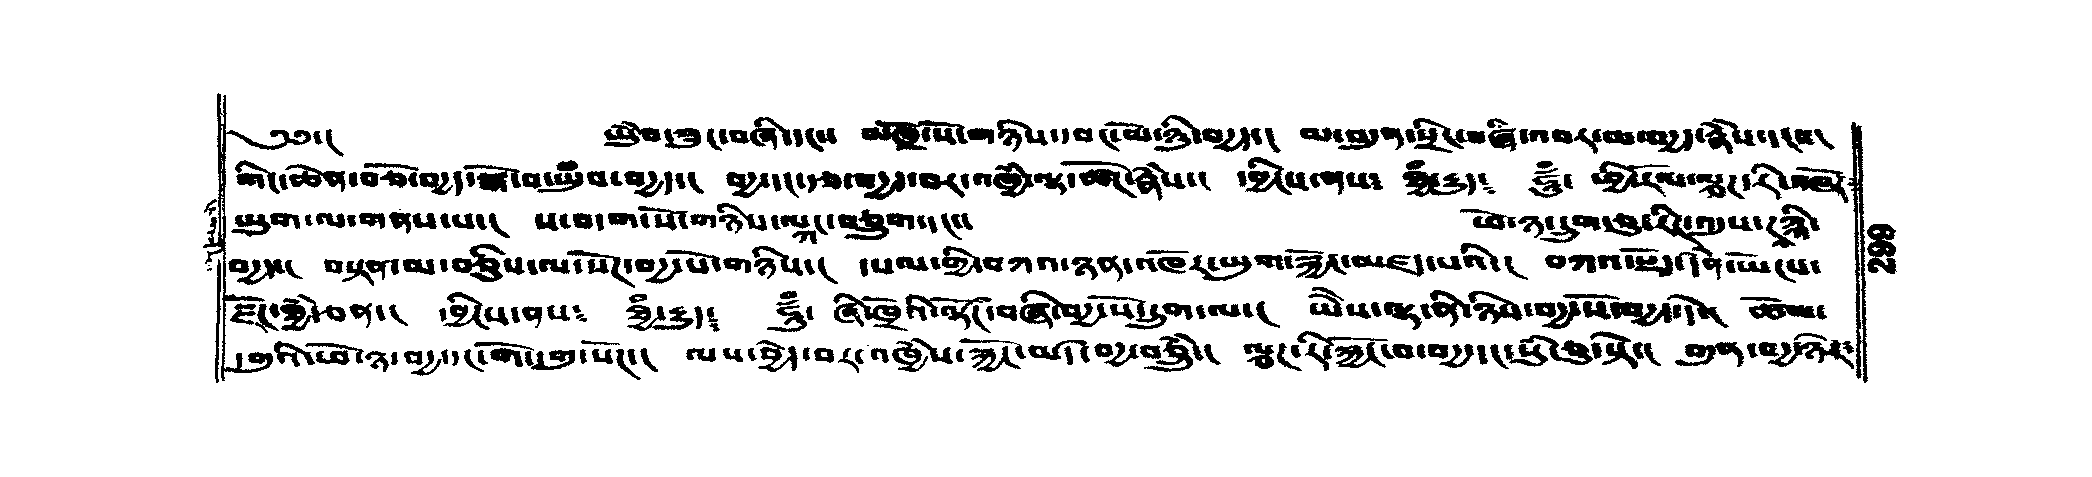ཡབ་ཡུམ་ཟུང་བཞི་དང་། །མཁའ་འགྲོ་སོ་གཉིས་དབང་མོ་ཉི་ཤུ་བརྒྱད། །མ་བདུན་སྲིང་བཞི་འབར་མ་བརྒྱད་རྣམས་དང་། ། 
གིང་ཆེན་བཅོ་བརྒྱད་སྒོ་བ་ཡབ་ཡུམ་བརྒྱད། །བརྒྱ་དང་རྩ་བརྒྱད་བར་འཁྱམ་ལྷ་ཚོགས་རྣམས། །དབྱིངས་ནས་༴ ཐུགས་དམ་རྒྱུད་༴ ཧཱུྃ། ཕྱི་རོལ་ལྕགས་རི་འཁོར་
ཡུག་ལ་གནས་པ། །ས་བདག་སོ་གཉིས་ལངྐ་བཅུ་དྲུག་དང་། ཕོ་ཉ་དྲུག་ཅུ་རིགས་འདུས་ཌཀྐི་
བརྒྱད། །བསྟན་མ་བཅུ་གཉིས་ལ་སོགས་བརྒྱ་པོ་གཉིས། །དཔལ་གྱི་བཀའ་ཉན་འཁོར་ཡུག་སྐྱོང་མཛད་པའི། །བཀའ་སྡོད་དམ་ཅན་ཡོངས་
རྫོགས་ཐུགས་དམ་ཅན། །དབྱིངས་ནས་༴ ཐུགས་དམ་རྒྱུད་༴ ཧཱུྃ། ཞི་ཁྲོའི་ལྷ་ཚོགས་བཞི་བརྒྱ་སོ་དྲུག་ལ། །ཡེ་ཤེས་ལྷ་ནི་ཉིས་བརྒྱ་སོ་བརྒྱད་དེ། །ཆོས་
དགུའི་ཕོ་ཉ་བརྒྱ་དང་གོ་དགུ་སོགས། །ལས་བྱེད་བར་འཁྱམས་སྐྱོང་སྐྱོང་མཛད་བརྒྱ་བཅུ་དྲུག་།ལྕགས་རི་སྐྱོང་བ་བརྒྱད་དང་སུམ་ཅུ་སྟེ། །བདུན་བརྒྱ་ཉེར་